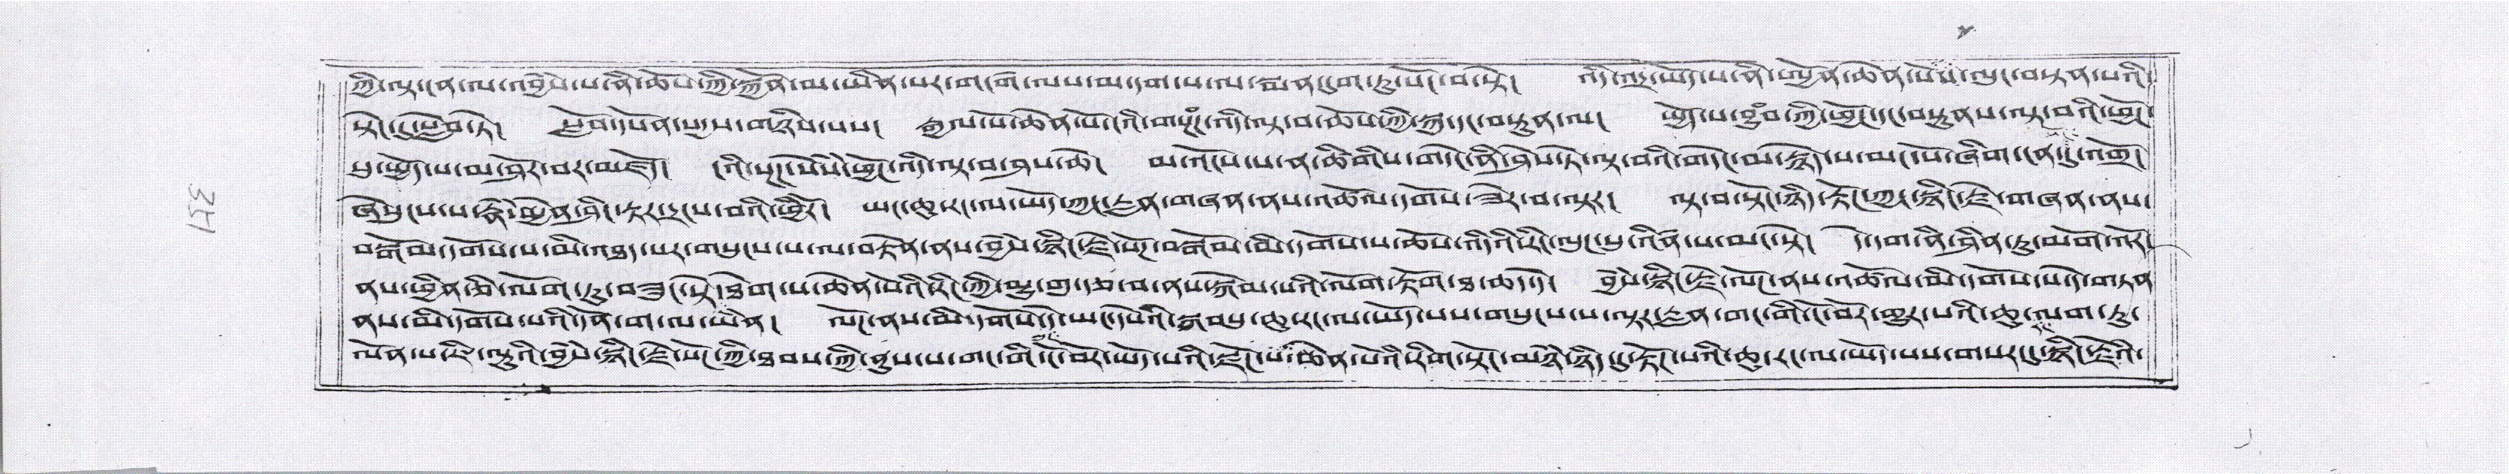ཀྱི་ལྟ་ངན་ལ་འབྱམས་པ་ནི་ཆོས་ཀྱི་སྐྱོན་མ་ཡིན་པར་གང་ཟག་ལས་མ་དག་པ་ལ་སྨན་དུག་ཏུ་སོང་བ་སྟེ། འདི་འདྲ་ཡོད་པ་ནི་ཨོ་རྒྱན་ཆེན་པོས་ལུང་བསྟན་པའི་
སྟེང་དུ་སླེབ་ཏེ། སློབ་དཔོན་སངས་རྒྱས་གཉིས་པས། རྒྱལ་པོ་ཆེན་པོ་ངའི་གསང་སྔགས་འདི་ལྟ་བ་ཆོས་ཀྱི་སྐུ་དང་བསྟུན་ལ། སྤྱོད་པ་བྱང་ཆུབ་ཀྱི་ཕྱོགས་དང་བསྟུན་ནས་ལྟ་བའི་ཕྱོགས་
སུ་སྤྱོད་པ་མ་ཤོར་བར་མཛོད། ངའི་སྔགས་སེམས་ཕྱོགས་འདི་ལྟ་བ་ཤས་ཆེ། མ་འོངས་པ་ན་ཚིག་གིས་གདེང་ནི་ཤེས་ཏེ་ལྟ་བའི་གདེང་མ་རྙེད་པ་མང་པོ་ཞིག་ངན་སོང་དུ་འགྲོ་
ཞེས་གསུངས་པ་རྣམ་མཁྱེན་ཤིང་རྟར་དྲངས་བའི་ཕྱིར་རོ། ཡང་ཆུ་རང་ལ་ཡོད་ཀྱང་རླན་གཞན་ནས་འཚོལ་དགོས་ཟེར་བ་ལྟར། ལྟ་བ་སྟོང་ཉིད་རྟོགས་ཀྱང་སྙིང་རྗེ་གཞན་ནས་
བསྒོམ་དགོས་པ་མི་འཐད་པར་གསུངས་པ་ལ་བརྟེན་ནས་བྱམས་སྙིང་རྗེ་སོགས་བསྒོམ་མི་དགོས་པ་ཆོས་འདིའི་རིང་ལུགས་སུ་འཛིན་པ་མང་སྟེ། དེ་དག་ནི་ཤིན་ཏུ་མགོ་འཁོར་
ནས་ཕྱིན་ཅི་ལོག་ཏུ་བཟུང་སྟེ་ཐེག་པ་ཆེན་པོའི་རིགས་ཀྱི་མྱུ་གུ་རྩ་བ་ནས་སྐེམ་པའི་ལོག་རྟོག་ཐ་ཆད་དོ། བྱམས་སྙིང་རྗེ་ལོགས་ནས་འཚོལ་མི་དགོས་པ་དེ་གཏན་
ནས་མི་དགོས་པའི་དོན་ག་ལ་ཡིན། ལོགས་ནས་མི་དགོས་ལུགས་དེ་ཡང་དཔེའི་སྐབས་སུ་ཆུ་རང་ལ་ཡོད་པས་གསུངས་པ་ལྟར་རླན་གང་གི་ངོ་བོར་གྱུར་པའི་ཆུ་རང་ལག་ཏུ་
ལོན་པ་ཇི་ལྟ་བུའི་བྱམས་སྙིང་རྗེ་སོགས་ཀྱི་ཐབས་ཀྱི་ནུས་པ་གང་གི་ངོ་བོར་ཡོད་པའི་རྫོགས་པ་ཆེན་པོའི་རིག་སྟོང་མཉམ་ཉིད་དུ་རྟོགས་པའི་ཆུ་རང་ལ་ཡོད་པས་གསར་དུ་སྙིང་རྗེའི་